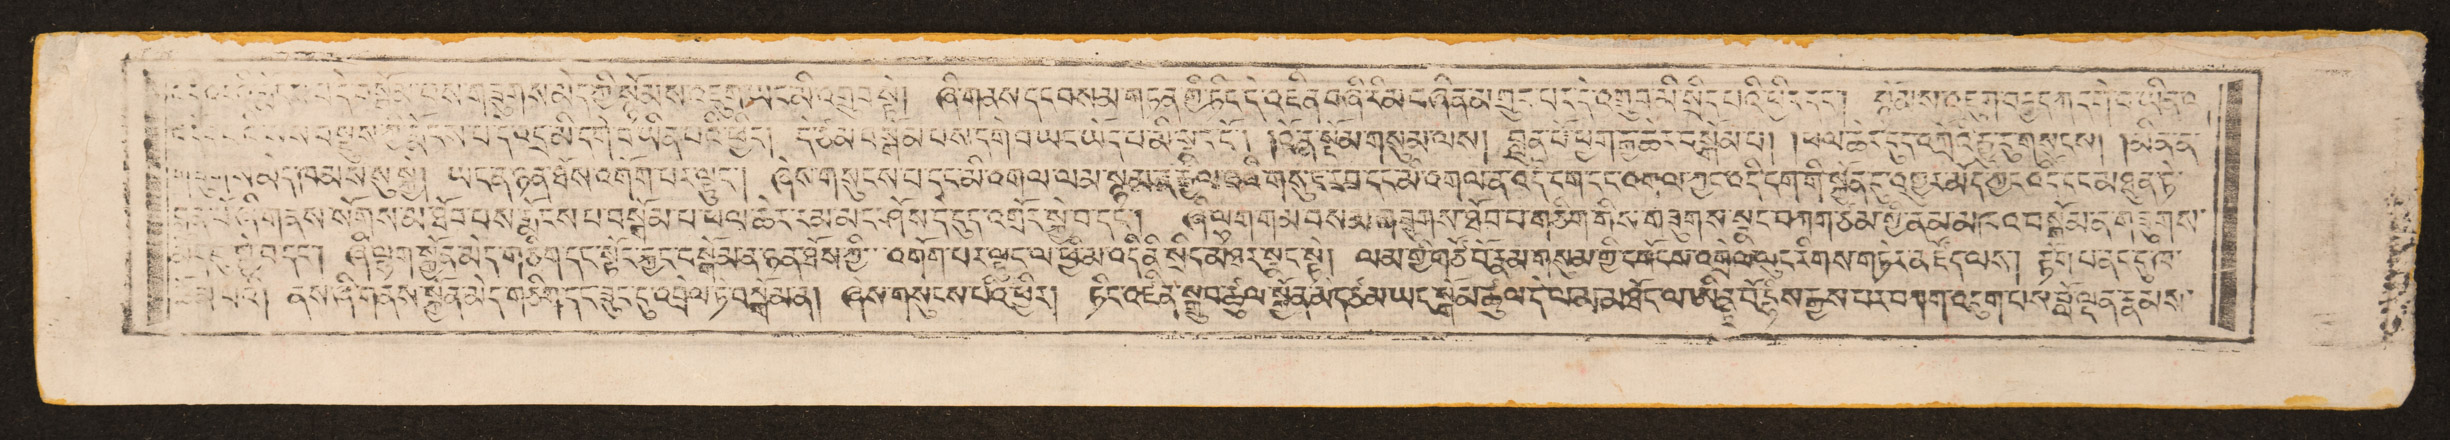འདི་འདྲའི་རྨོངས་པ་དེ་བསྒོམ་པས་གཟུགས་མེད་ཀྱི་སྙོམས་འཇུག་ཡང་མི་འགྲུབ་སྟེ། ཞི་གནས་དང་བསམ་གཏན་གྱི་ཏིང་ངེ་འཛིན་བཞི་རིམ་བཞིན་མ་གྲུབ་པར་དེ་འགྲུབ་མི་སྲིད་པའི་ཕྱིར་དང་། སྙོམས་འཇུག་བརྒྱད་ཀ་དགེ་བ་ཡིན་ལ་
འདོད་པའི་སས་བསྡུས་ཀྱི་རྨོངས་པ་དེ་འདྲ་མི་དགེ་བ་ཡིན་པའི་ཕྱིར། དེ་ཙམ་བསྒོམ་པས་དགེ་བ་ཡང་ཡོད་པ་མི་སྣང་ངོ། །འོ་ན་སྡོམ་གསུམ་ལས། བླུན་པོ་ཕྱག་རྒྱ་ཆེར་བསྒོམ་པ། །ཕལ་ཆེར་དུད་འགྲོའི་རྒྱུ་རུ་གསུངས། །མིན་ན་
གཟུགས་མེད་ཁམས་སུ་སྐྱེ། ཡང་ན་ཉན་ཐོས་འགོག་བར་ལྟུང་། ཞེས་གསུངས་པ་དང་མི་འགལ་ལམ་སྙམ་ན་རྒྱལ་བའི་གསུང་རབ་དང་མི་འགལ་ན་འདི་དག་དང་འགལ་ཀྱང་འདི་དག་གི་སྐྱོན་དུ་འགྱུར་མོད་ཀྱང་འདི་དང་མཐུན་ཏེ་
བླུན་པོ་ཞི་གནས་སོགས་མ་ཐོབ་པས་རྨོངས་པ་བསྒོམ་པ་ཕལ་ཆེར་རམ་མང་ཤོས་དེ་དུད་འགྲོར་སྐྱེ་བ་དང་། ཞི་ལྷག་གམ་བསམ་གཟུགས་ཐོབ་པ་གཅིག་གིས་གཟུགས་སྣང་བཀག་ཙམ་གྱི་ནམ་མཁའ་བསྒོམ་ན་གཟུགས་
མེད་དུ་སྐྱེ་བ་དང་། ཞི་ལྷག་སྐྱོན་མེད་གཅིག་དང་སྟོང་རྐྱང་བསྒོམ་ན་ཉན་ཐོས་ཀྱི་འགོག་པར་ལྟུང་ལ་ཕྱི་མ་འདི་ནི་སྲིད་མཐར་སྣང་སྟེ། ལམ་གྱི་གཙོ་བོ་རྣམ་གསུམ་གྱི་དགོངས་འགྲེལ་ལུང་རིགས་གཏེར་མཛོད་ལས། རྟོག་པ་ནད་དུ་ཁ་
ཆོམ་པའི། ནས་ཞི་གནས་སྐྱོན་མེད་གཅིག་དང་ཟུང་དུ་འབྲེལ་ཏེ་བསྒོམ་ན། ཞེས་གསུངས་པའི་ཕྱིར། ཏིང་འཛིན་སྒྲུབ་ཚུལ་སྐྱོན་མེད་ཙམ་ཡང་སྒོམ་ཚུལ་དེ་ལམ་མཐོང་ལ་ཨིནྟྲ་པོ་དྷིས་རྒྱས་པར་བཀག་འདུག་པས་བློ་ལྡན་རྣམས་